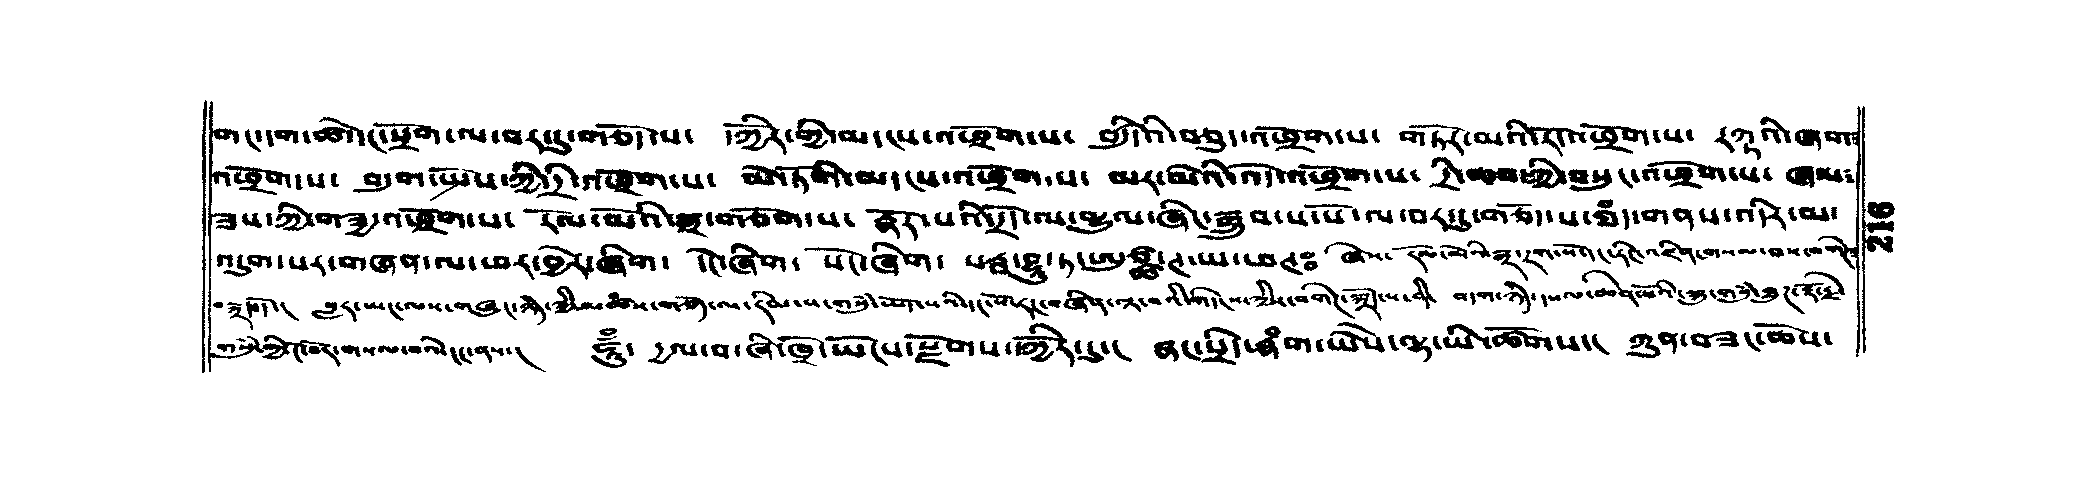གང་དག་ཚེ་དང་སྲོག་ལ་བར་དུ་གཅོད་པ། དཀྱིལ་འཁོར་གྱི་མདངས་འཕྲོག་པ། བདུད་རྩིའི་བཅུད་འཕྲོག་པ། གཏོར་མའི་རོ་འཕྲོག་པ། རཀྟའི་ཞག་
འཕྲོག་པ། བདུག་སྤོས་ཀྱི་དྲི་འཕྲོག་པ། མེ་ཏོག་གི་མདངས་འཕྲོག་པ། མར་མེའི་འོད་འཕྲོག་པ། དྲི་ཆབ་ཀྱི་བསུང་འཕྲོག་པ། ཞལ་
ཟས་ཀྱི་གཟུགས་འཕྲོག་པ། རོལ་མོའི་སྒྲ་གཅོག་པ། རྣལ་འབྱོར་པའི་དྲོད་ལ་མྱུལ་ཞིང་སྒྲུབ་པ་པོ་ལ་བར་དུ་གཅོད་པ་ཐམས་ཅད་གནས་འདིར་མ་
འདུག་པར་གཞན་ལ་ཕར་བྱེར་ཞིག་དེང་ཞིག་སོང་ཞིག་སརྦ་བྷཱུ་ཏ་ཨུཙྪ་ཊ་ཡ་ཕཊཿ ཞེས་རོལ་མོའི་སྒྲ་དྲག་པོ་དང་ཏིང་འཛིན་གསལ་བས་བགེགས་
བསྐྲད་དོ། སླར་ཡང་ལས་གཞུང་ཉིད་ཀྱི་མཚམས་གཅོད་ལ་རིམ་པ་གསུམ་ཡོད་པའི་དང་པོ་རང་བཞིན་ལྟ་བའི་གདེངས་ཀྱིས་བགེགས་སྐྲོད་པ་ནི། བདག་ཉིད་དཔལ་ཆེན་པོའི་སྐུ་གསུང་ཐུགས་རྡོ་རྗེ་
གསུམ་གྱི་ངོ་བོར་གསལ་བའི་ངང་ནས། ཧཱུྃ། རྒྱལ་བ་ཞི་ཁྲོ་ཡོངས་རྫོགས་དཀྱིལ་འཁོར་དུ། །སྣང་སྲིད་རྣམ་དག་ཡེ་ཤེས་ལྷ་ཡི་ཚོགས། །ཀུན་བཟང་ཆོས་